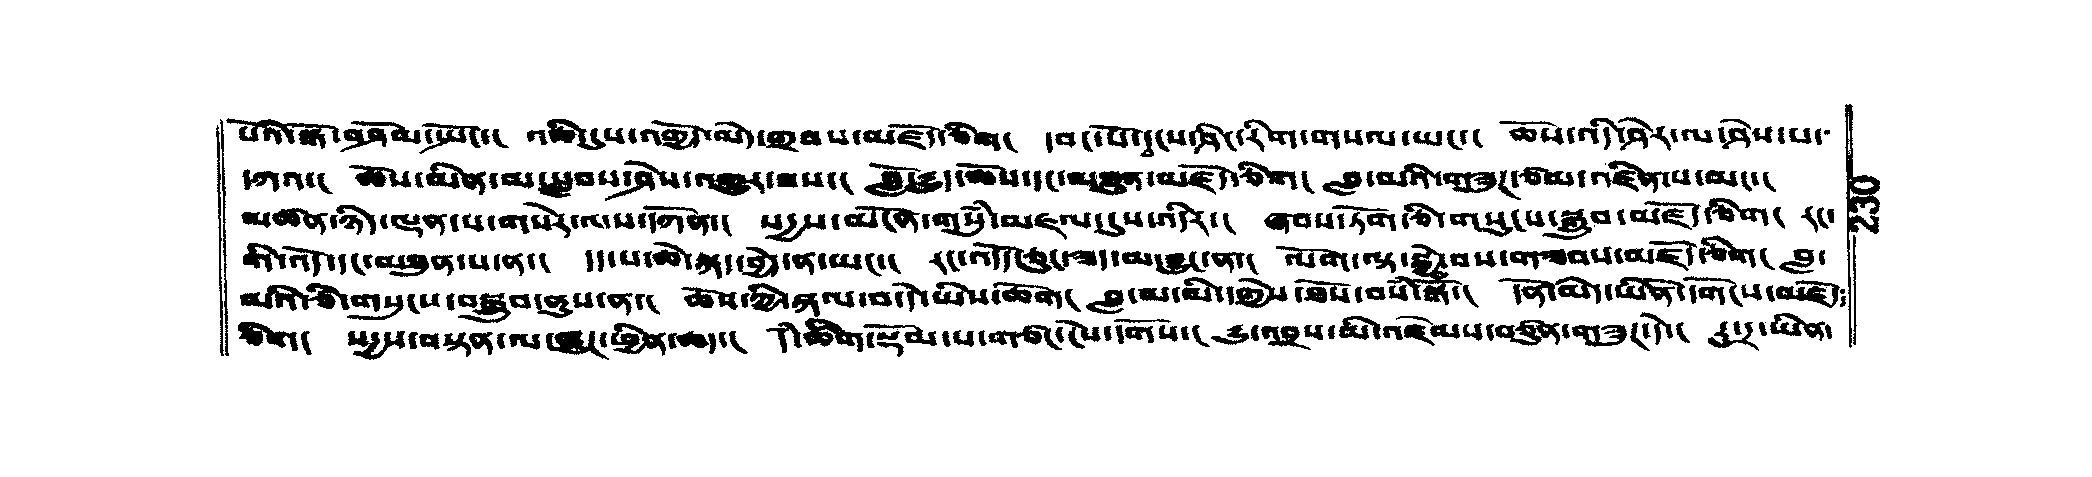པོའི་སྒོ་བཤོམ་སྤོངས། །འཆི་དུས་འགྱོད་མེད་གྲབས་མཛོད་ཅིག །དབང་པོ་དྭངས་ཤིང་རིག་གསལ་ཡང་། །ཆོས་འདི་ཞོར་ལ་ཤེས་པ་
དཀའ། །ཆོས་མིན་མ་བསླབས་ཤེས་འགྱུར་པས། །བློ་རྒྱུད་ཆོས་དང་མཐུན་མཛོད་ཅིག །བླ་མའི་གཟུགས་ཙམ་འཛིན་པ་མང་། །
མཚན་ཉིད་ལྡན་པ་གསེར་ལས་དཀོན། །སངས་རྒྱས་མངོན་སུམ་མཇལ་དུས་འདིར། །ཞབས་ཏོག་ཅི་གསུངས་སྒྲུབ་མཛོད་ཅིག །རང་
གི་འདོད་དང་མཐུན་པ་ན། །དད་པ་ཆེ་སྐད་བྱེད་ན་ཡང་། །རང་འདོད་ཅུང་ཟད་མ་བྱུང་ན། །ལོག་ལྟ་སྐྱེ་བས་གཟབ་མཛོད་ཅིག །བླ་
མའི་ཅི་གསུངས་བསྒྲུབ་ནུས་ན། །ཆོས་ཀྱི་སྐལ་བ་དེ་ཡིས་ཆོག །བླ་མ་མི་དགྱེས་ཐོས་བསམ་སྒོམ། །དོན་མེད་ཡིན་ནོ་དགོངས་མཛོད་
ཅིག །སངས་རྒྱས་བསྟན་པ་ཞུགས་ཕྱིན་ཆད། །དམ་ཚིག་སྡོམ་པ་གཙང་ངེས་དགོས། །རྒྱུ་འབྲས་མི་འཛོམས་བཙུན་གཟུགས་དེ། །རུ་དྲ་ཡིན་